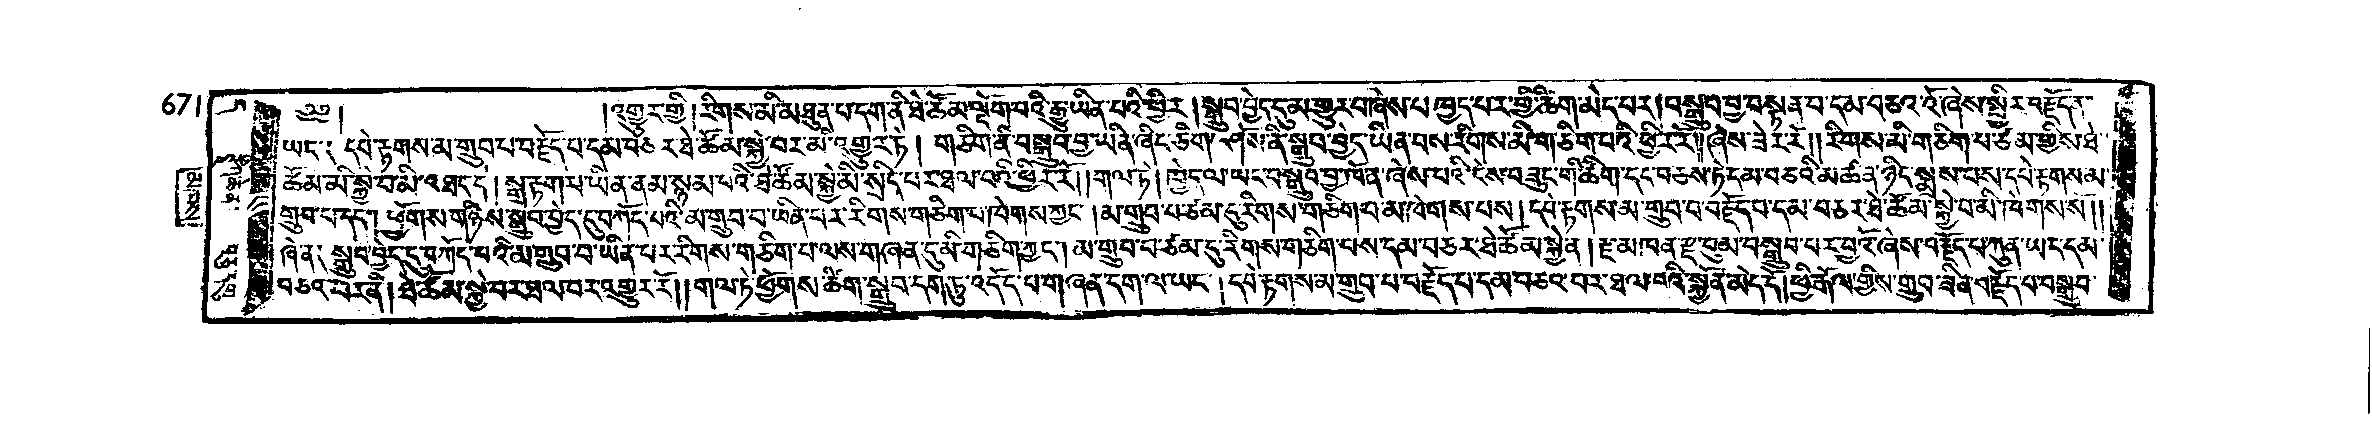༄༅། །འགྱུར་གྱི། རིགས་མི་མཐུན་པ་དག་ནི་ཐེ་ཚོམ་ལྡོག་པའི་རྒྱུ་ཡིན་པའི་ཕྱིར། སྒྲུབ་བྱེད་དུ་མ་གྱུར་བ་ཞེས་པ་ཁྱད་པར་གྱི་ཚིག་མེད་པར། བསྒྲུབ་བྱ་བསྟན་པ་དམ་བཅའ་འོ་ཞེས་སྤྱིར་བརྗོད་ན་
ཡང་། དཔེ་རྟགས་མ་གྲུབ་པ་བརྗོད་པ་དམ་བཅར་ཐེ་ཚོམ་སྐྱེ་བར་མི་འགྱུར་ཏེ། གཅིག་ནི་བསྒྲུབ་བྱ་ཡིན་ཞིང་ཅིག་ཤོས་ནི་སྒྲུབ་བྱེད་ཡིན་པས་རིགས་མི་གཅིག་པའི་ཕྱིར་རོ། །ཞེས་ཟེར་རོ། །རིགས་མི་གཅིག་པ་ཙམ་གྱིས་ཐེ་
ཚོམ་མི་སྐྱེ་བ་མི་འཐད་དེ། སྒྲ་རྟག་པ་ཡིན་ནམ་སྙམ་པའི་ཐེ་ཚོམ་སྐྱེ་མི་སྲིད་པར་ཐལ་བའི་ཕྱིར་རོ། །གལ་ཏེ། ཁྱེད་ལ་ཡང་བསྒྲུབ་བྱ་ཁོ་ན་ཞེས་པའི་ངེས་བཟུང་གི་ཚིག་དང་བཅས་ཏེ་དམ་བཅའི་མཚན་ཉིད་སྨྲས་པས། དཔེ་རྟགས་མ་
གྲུབ་པ་དང་། ཕྱོགས་གཉིས་སྒྲུབ་བྱེད་དུ་བཀོད་པའི་མ་གྲུབ་པ་ཡིན་པར་རིགས་གཅིག་པ་ཁེགས་ཀྱང་། མ་གྲུབ་པ་ཙམ་དུ་རིགས་གཅིག་པ་མ་ཁེགས་པས། དཔེ་རྟགས་མ་གྲུབ་པ་བརྗོད་པ་དམ་བཅར་ཐེ་ཚོམ་སྐྱེ་བ་མི་ཁེགས་སོ། །
ཞེ་ན། སྒྲུབ་བྱེད་དུ་བཀོད་པའི་མ་གྲུབ་པ་ཡིན་པར་རིགས་གཅིག་པ་ལས་གཞན་དུ་མི་གཅིག་ཀྱང་། མ་གྲུབ་པ་ཙམ་དུ་རིགས་གཅིག་པས་དམ་བཅར་ཐེ་ཚོམ་སྐྱེ་ན། རྫ་མཁན་རྫ་བུམ་བསྒྲུབ་པར་བྱའོ་ཞེས་བརྗོད་པ་ཀུན་ཡང་དམ་
བཅའ་བར་ནི། ཐེ་ཚོམ་སྐྱེ་བར་ཐལ་བར་འགྱུར་རོ། །གལ་ཏེ་ཕྱོགས་ཚིག་སྒྲུབ་དག་ཏུ་འདོད་པ་གཞན་དག་ལ་ཡང་། དཔེ་རྟགས་མ་གྲུབ་པ་བརྗོད་པ་དམ་བཅའ་བར་ཐལ་བའི་སྐྱོན་མེད་དོ། ཕྱི་རྒོལ་གྱིས་གྲུབ་ཟིན་བརྗོད་པ་བསྒྲུབ་